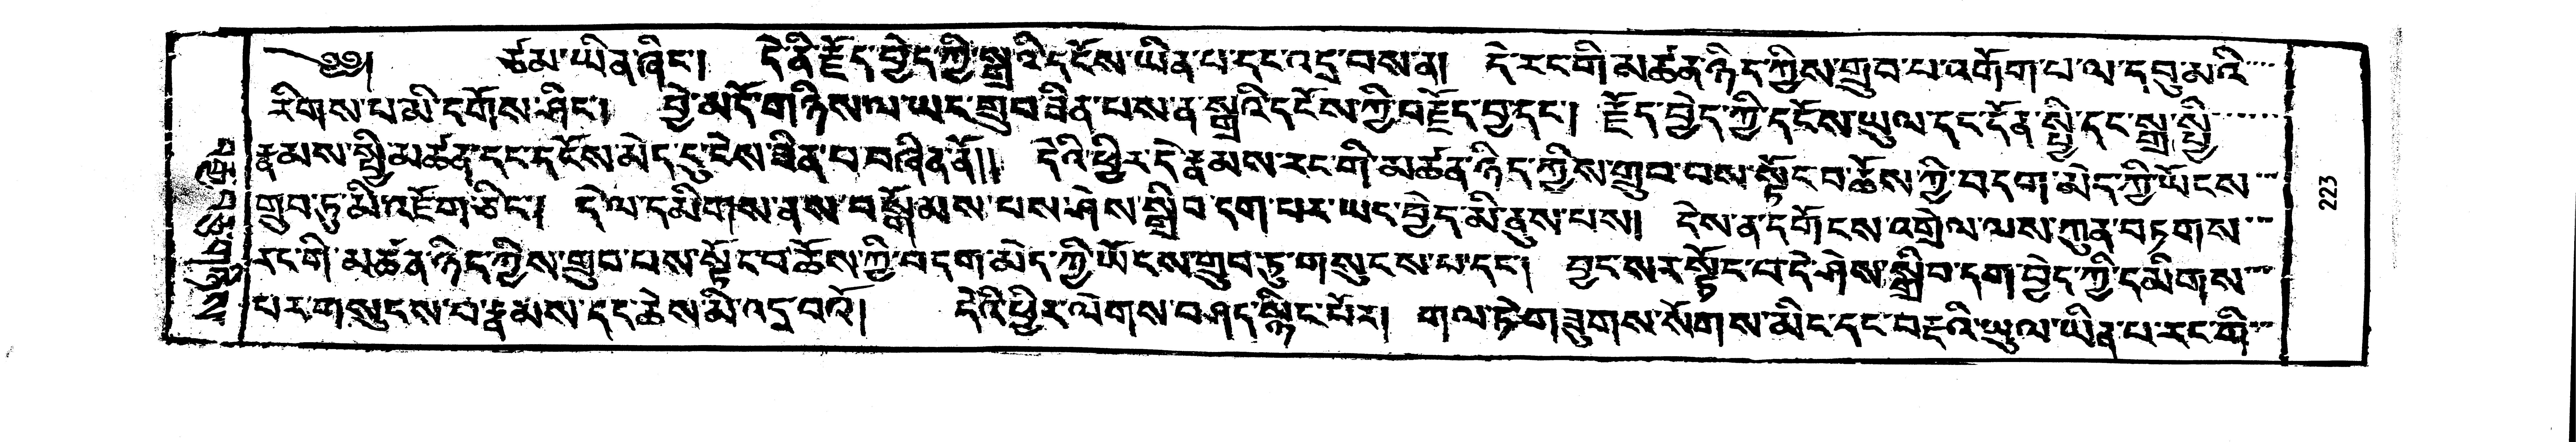༄༅། །ཙམ་ཡིན་ཞིང་། དེ་ནི་རྗོད་བྱེད་ཀྱི་སྒྲའི་དངོས་ཡིན་པ་དང་འདྲ་བས་ན། དེ་རང་གི་མཚན་ཉིད་ཀྱིས་གྲུབ་པ་འགོག་པ་ལ་དབུ་མའི་
རིགས་པ་མི་དགོས་ཤིང་། བྱེ་མདོ་གཉིས་ལ་ཡང་གྲུབ་ཟིན་པས་ན་སྒྲའི་དངོས་ཀྱི་བརྗོད་བྱ་དང་། རྗོད་བྱེད་ཀྱི་དངོས་ཡུལ་དང་དོན་སྤྱི་དང་སྒྲ་སྤྱི་
རྣམས་སྤྱི་མཚན་དང་དངོས་མེད་དུ་ངེས་ཟིན་པ་བཞིན་ནོ།